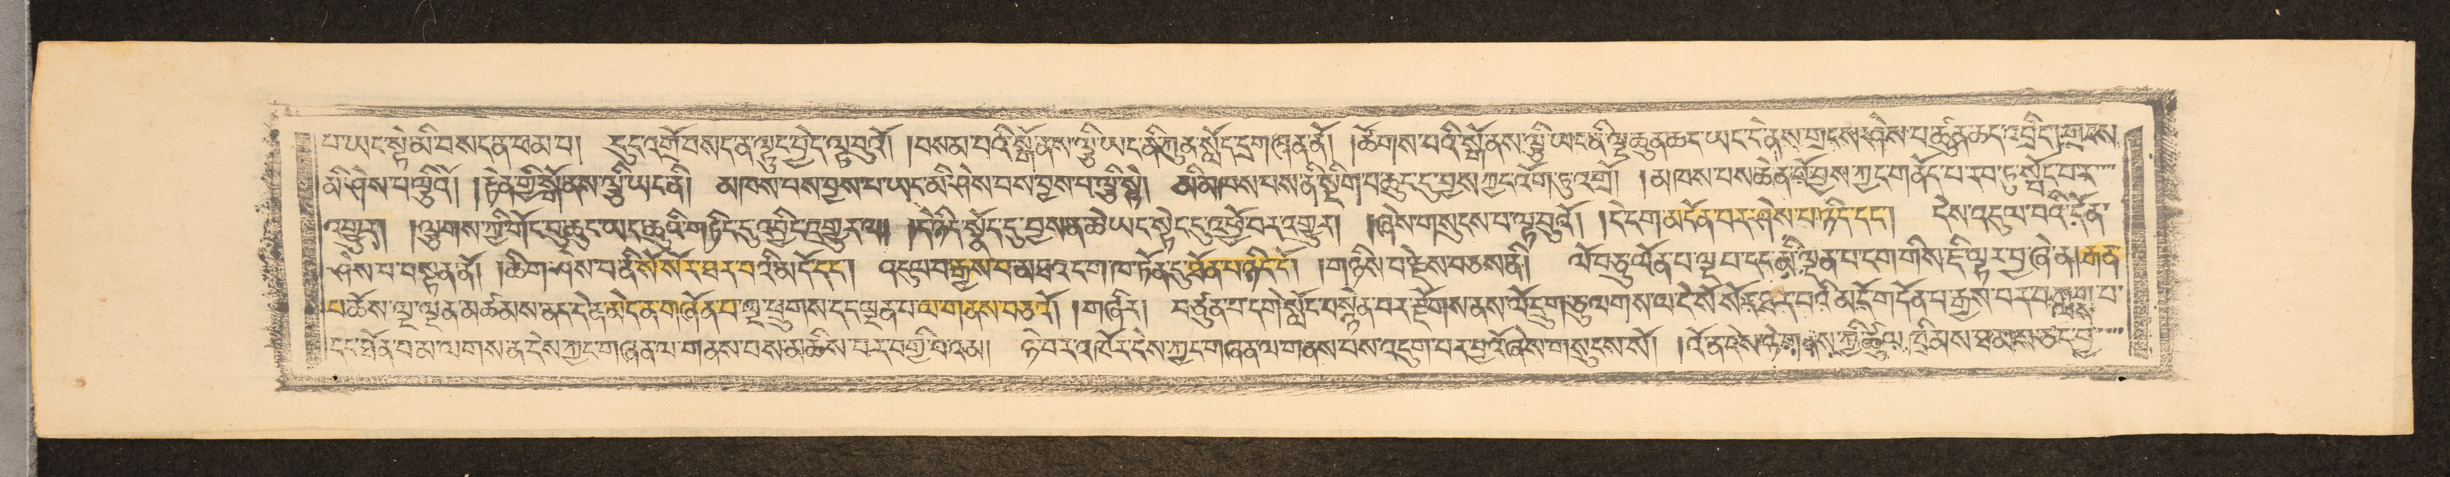པ་ཡང་སྟེ་མི་བསང་ན་ཕམ་པ། དུད་འགྲོ་བསད་ན་ལྟུང་བྱེད་ལྟ་བུའོ། །བསམ་པའི་སྒོ་ནས་ལྕི་ཡང་ནི་ཀུན་སློང་དྲག་ཞན་ནོ། །ཚོགས་པའི་སྒོ་ནས་ལྕི་ཡང་ནི་ལྔ་ཚུན་ཆད་ཡང་དེ་ནས་གྲངས་ཤེས་པ་ཚུན་ཆད་འབྲིང་། གྲངས་
མི་ཤེས་པ་ལྕིའོ། །རྟེན་གྱི་སྒོ་ནས་ལྕི་ཡང་ནི། མཁས་པས་བྱས་པ་ཡང་མི་ཤེས་པས་བྱས་པ་ལྕི་སྟེ། མི་མཁས་པས་ནི་སྡིག་པ་ཆུང་དུ་བྱས་ཀྱང་འོག་ཏུ་འགྲོ། །མཁས་པས་ཆེན་པོ་བྱས་ཀྱང་གནོད་པ་རབ་ཏུ་སྤོང་བར་
འགྱུར། །ལྕགས་ཀྱི་གོང་བུ་ཆུང་ཡང་ཆུའི་གཏིང་དུ་འབྱིང་འགྱུར་ལ། །དེ་ཉིད་སྣོད་དུ་བྱས་ན་ཆེ་ཡང་སྟེང་དུ་འཕྱོ་བར་འགྱུར། །ཞེས་གསུངས་པ་ལྟ་བུའོ། །དེ་དག་མངོན་པར་ཤེས་པ་ཉིད་དང་། དེས་འདུལ་བའི་དོན་
ཤེས་པ་བསྟན་ནོ། །ཚིག་ཤེས་པ་ནི་སོ་སོར་ཐར་པའི་མདོ་དང་། འདུལ་བ་རྒྱས་པ་མཐའ་དག་ཁ་ཏོན་དུ་ཐོན་པ་ཉིད་དོ། །གཉིས་པ་རྗེས་བཅས་ནི། ལོ་བཅུ་ལོན་པ་ལྔ་པ་དང་མི་ལྡན་པ་ངག་གིས་ཇི་ལྟར་བྱ་ཞེ་ན། རྒན་
པ་ཆོས་ལྔ་ལྡན་མཚམས་ནང་དེ་ན་མེད་ན་གཞོན་པ་ལྔ་ཕྲུགས་དང་ལྡན་པ་ལ་གནས་བཅའོ། །གཞིར། བཙུན་པ་དགེ་སློང་བསྙེན་པར་རྫོགས་ནས་ལོ་དྲུག་ཅུ་ལགས་ལ་དེ་སོ་སོར་ཐར་པའི་མདོ་གདོན་པ་རྒྱས་པར་བཀླགས་པ་
དང་ཐོན་པ་མ་ལགས་ན་དེས་ཀྱང་གཞན་ལ་གནས་པས་མཆིས་པར་བགྱི་པའམ། ཉེ་བར་འཁོར་དེས་ཀྱང་གཞན་ལ་གནས་པས་འདུག་པར་བྱའོ་ཞེས་གསུངས་སོ། །འོ་ན་དེས་ཉེ་གནས་ཀྱི་ཚུལ་ཁྲིམས་ཐམས་ཅད་བྱ་